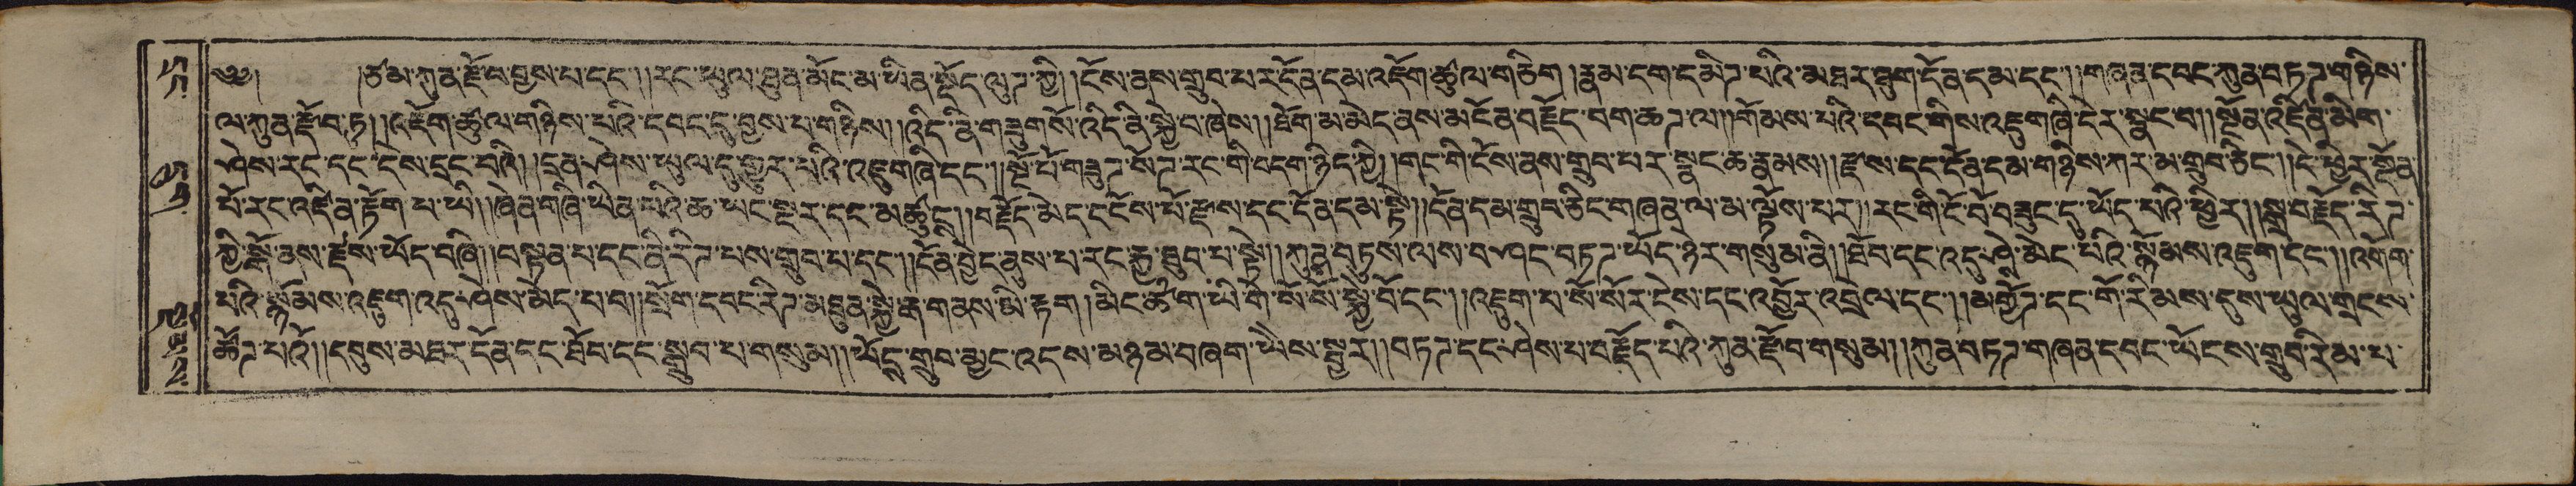༄༅། །ཙམ་ཀུན་རྫོབ་བྱས་པ་དང་། །རང་ཡུལ་ཐུན་མོང་མ་ཡིན་སྡོད་ལུགས་ཀྱི། །ངོས་ནས་གྲུབ་པར་དོན་དམ་འཇོག་ཚུལ་གཅིག །རྣམ་དག་དམིགས་པའི་མཐར་ཐུག་དོན་དམ་དང་། །གཞན་དབང་ཀུན་བཏགས་བརྟགས་ཨེཏཅ་ཐྲོཨུགྷོཨུཏ་གཉིས་
ལ་ཀུན་རྫོབ་ཏུ། །འཇོག་ཚུལ་གཉིས་པའི་དབང་དུ་བྱས་པ་གཉིས། །འདི་ནི་གཟུགས་སོ་འདི་ནི་སྐྱེ་བ་ཞེས། །ཐོག་མ་མེད་ནས་མངོན་བརྗོད་བག་ཆགས་ལ། །གོམས་པའི་དབང་གིས་འཇུག་གཞི་དེར་སྣང་བ། །སྔོན་འཛིན་མིག་
ཤེས་རང་དང་དེས་དྲང་བའི། །དྲན་ཤེས་ཡུལ་དུ་གྱུར་པའི་འཇུག་གཞི་དང་། །སྔོ་སྔོན་པོ་གཟུགས་སོགས་རང་གི་བདག་ཉིད་ཀྱི། །གང་གི་ངོས་ནས་གྲུབ་པར་སྣང་ཆ་རྣམས། །རྫས་དང་དོན་དམ་གཉིས་ཀར་མ་གྲུབ་ཅིང་། །དེ་ཕྱིར་སྔོན་
པོ་རང་འཛིན་རྟོག་པ་ཡི། །ཞེན་གཞི་ཡིན་པའི་ཆ་ཡང་སྔར་དང་མཚུངས། །བརྗོད་མེད་དངོས་པོ་རྫས་དང་དོན་དམ་སྟེ། །དོན་དམ་གྲུབ་ཅིང་གཞན་ལ་མ་ལྟོས་པར། །རང་གི་ངོ་བོ་བཟུང་དུ་ཡོད་པའི་ཕྱིར། །སྒྲ་བརྗོད་རིགས་
ཀྱི་སྒོ་ནས་རྫས་ཡོད་བཞི། །བསྟན་པ་དང་ནི་རིགས་པས་གྲུབ་པ་དང་། །དོན་བྱེད་ནུས་པ་རང་རྐྱ་ཐུབ་པ་སྟེ། །ཀུན་བཏུས་ལས་བཤད་བཏགས་ཡོད་ཉེར་གསུམ་ནི། །ཐོབ་དང་འདུ་ཤེས་མེད་པའི་སྙོམས་འཇུག་དང་། །འགོག་
པའི་སྙོམས་འཇུག་འདུ་ཤེས་མེད་པ་བ། །སྲོག་དབང་རིགས་མཐུན་སྐྱེ་རྒ་གནས་མི་རྟག །མིང་ཚིག་ཡི་གེ་སོ་སོ་སྐྱེ་བོ་དང་། །འཇུག་པ་སོ་སོར་ངེས་དང་འབྱོར་འབྲེལ་དང་། །མགྱོགས་དང་གོ་རིམས་དུས་ཡུལ་གྲངས་
ཚོགས་པའོ། །དབུས་མཐར་དོན་དང་ཐོབ་དང་སྒྲུབ་པ་གསུམ། །ཡོངས་གྲུབ་མྱང་འདས་མཉམ་བཞག་ཡེ་ཤེས་སྦྱར། །བཏགས་དང་ཤེས་པ་བརྗོད་པའི་ཀུན་རྫོབ་གསུམ། །ཀུན་བཏགས་གཞན་དབང་ཡོངས་གྲུབ་རིམ་པ་